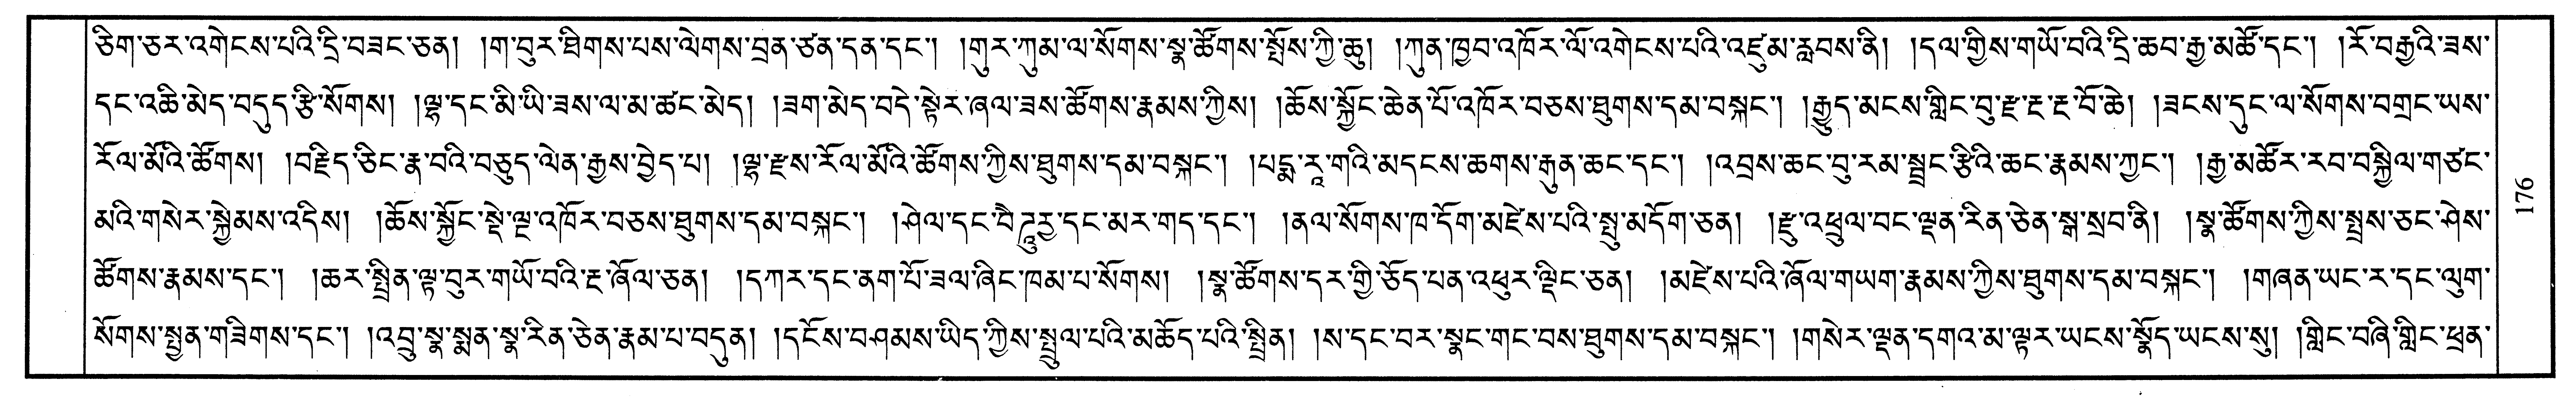ཅིག་ཅར་འགེངས་པའི་དྲི་བཟང་ཅན། །ག་བུར་ཐིགས་པས་ལེགས་བྲན་ཙན་དན་དང་། །གུར་ཀུམ་ལ་སོགས་སྣ་ཚོགས་སྤོས་ཀྱི་ཆུ། །ཀུན་ཁྱབ་འཁོར་ལོ་འགེངས་པའི་འཛུམ་རླབས་ནི། །དལ་གྱིས་གཡོ་བའི་དྲི་ཆབ་རྒྱ་མཚོ་དང་། །རོ་བརྒྱའི་ཟས་
དང་འཆི་མེད་བདུད་རྩི་སོགས། །ལྷ་དང་མི་ཡི་ཟས་ལ་མ་ཚང་མེད། །ཟག་མེད་བདེ་སྟེར་ཞལ་ཟས་ཚོགས་རྣམས་ཀྱིས། །ཆོས་སྐྱོང་ཆེན་པོ་འཁོར་བཅས་ཐུགས་དམ་བསྐང་། །རྒྱུད་མངས་གླིང་བུ་རྫ་རྔ་རྔ་བོ་ཆེ། །ཟངས་དུང་ལ་སོགས་བགྲང་ཡས་
རོལ་མོའི་ཚོགས། །བརྗིད་ཅིང་རྣ་བའི་བཅུད་ལེན་རྒྱས་བྱེད་པ། །ལྷ་རྫས་རོལ་མོའི་ཚོགས་ཀྱིས་ཐུགས་དམ་བསྐང་། །པདམ་རཱ་གའི་མདངས་ཆགས་རྒུན་ཆང་དང་། །འབྲས་ཆང་བུ་རམ་སྦྲང་རྩིའི་ཆང་རྣམས་ཀྱང་། །རྒྱ་མཚོར་རབ་བསྐྱིལ་གཙང་
མའི་གསེར་སྐྱེམས་འདིས། །ཆོས་སྐྱོང་སྡེ་ལྔ་འཁོར་བཅས་ཐུགས་དམ་བསྐང་། །ཤེལ་དང་བཻཌཱུརྱ་དང་མར་གད་དང་། །ནལ་སོགས་ཁ་དོག་མཛེས་པའི་སྤུ་མདོག་ཅན། །རྫུ་འཕྲུལ་བང་ལྡན་རིན་ཅེན་སྒ་སྲབ་ནི། །སྣ་ཚོགས་ཀྱིས་སྤྲས་ཅང་ཤེས་
ཚོགས་རྣམས་དང་། །ཆར་སྤྲིན་ལྟ་བུར་གཡོ་བའི་རྔ་ཞོལ་ཅན། །དཀར་དང་ནག་པོ་ཟལ་ཞིང་ཁམ་པ་སོགས། །སྣ་ཚོགས་དར་གྱི་ཅོད་པན་འཕུར་ལྡིང་ཅན། །མཛེས་པའི་ཞོལ་གཡག་རྣམས་ཀྱིས་ཐུགས་དམ་བསྐང་། །གཞན་ཡང་ར་དང་ལུག་
སོགས་སྤྱན་གཟིགས་དང་། །འབྲུ་སྣ་སྨན་སྣ་རིན་ཅེན་རྣམ་པ་བདུན། །དངོས་བཤམས་ཡིད་ཀྱིས་སྤྲུལ་པའི་མཆོད་པའི་སྤྲིན། །ས་དང་བར་སྣང་གང་བས་ཐུགས་དམ་བསྐང་། །གསེར་ལྡན་དགའ་མ་ལྟར་ཡངས་སྣོད་ཡངས་སུ། །གླིང་བཞི་གླིང་ཕྲན་